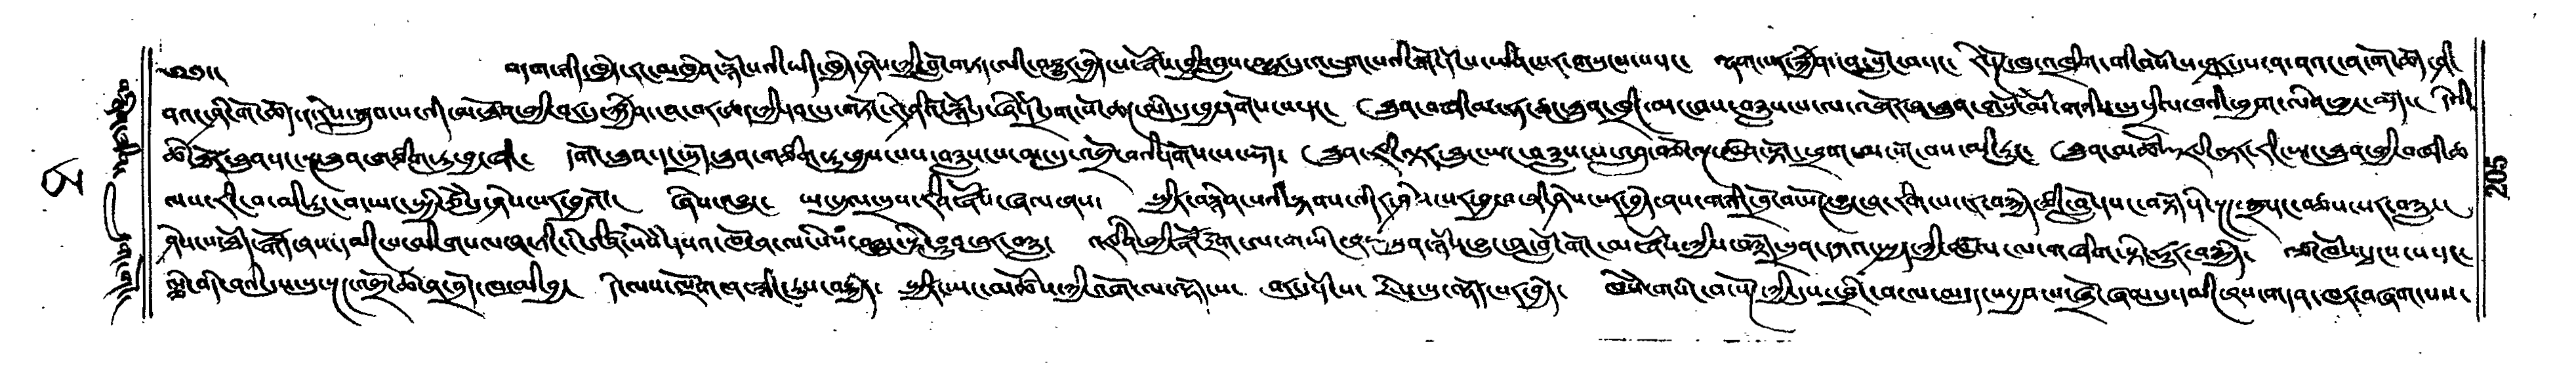༢༠༥༽ བདག་ཉིད་ཁྱེད་རང་མཁྱེན་སྙམ་པའི་ཡིད་ཁྱེད་ཤེས་ཀྱི་བློ་གཏད་ལིང་བསྐྱུར་བྱེད་པ་རྣམས། བྱིན་རླབས་མྱུར་དུ་འཇུག་པའི་སྒོ་དམ་པ་ཡིན་པར་གསུངས་པ་དང་། ལྷག་པར་རྐྱེན་ངན་སློང་བ་དང་། རེ་དོགས་འཁུ་འཕྲིག་གི་བསམ་པ་ཤར་དུས་ན་ནའང་ན་གོ་ཆོད། ཤི་
ནའང་ཤི་གོ་ཆོད། ད་རེས་སྒྲུབ་པ་འདི་མ་ཐོན་གྱི་བར་དུ་རྐྱེན་ངན་བར་ཆད་ཀྱི་དབང་དུ་གཏོང་རེ་ཤིའམ་སྙམ་དུ་ཞེ་དམ་དྲག་པོ་ཆག་མེད་དུ་བྱ་དགོས་པ་དང་། ཐུན་བཞི་མ་ཧ་ཅང་ཐུན་ཁྲིགས་མང་བས་བཟླས་པ་ལ་འགོར་ན་ཐུན་གསུམ་མམ་གཉིས་སུ་དྲིལ་བའི་ཕྱག་ལེན་ཀྱང་ཡོད། དེའི་
ཚེ་ཐོར་ཐུན་དང་སྔ་ཐུན་གཅིག་ཏུ་བྱ་ཞིང་། དགོང་ཐུན་དང་སྲོད་ཐུན་གཅིག་ཏུ་བྱས་པས་བཟླས་པ་མང་དུ་འགྲོ་བའི་དགོས་པ་ཡོད། ཐུན་ཇི་ལྟར་ཐུང་ཡང་བཟླས་པ་འབྲུ་བཅོ་ལྔ་ཚུན་སྟོང་ཕྲག་མ་སོང་བས་མི་རུང་། ཐུན་མཚམས་ཇི་ལྟར་རིང་ཡང་ཐུན་གྱི་བཞི་ཆ་
ལས་རིང་བ་མི་རུང་བ་ཡང་སྤྱི་ཙམ་དུ་ཤེས་པར་བྱའོ། ཞེས་འབྱུང་། ཡང་རྒྱལ་སྲས་རིན་རྣམས་ཞལ་ནས། སྤྱིར་བསྙེན་པའི་སྐབས་འདིར་ཤེས་པར་བྱ་བ་ནི་ཤེས་པ་བྱིང་ནས་གཉིད་བྲོ་བ་སོགས་བྱུང་ན་རིག་པ་ངར་བསྐྱེད་ཅིང་བློ་དཔང་བསྟོད་དེ་སྔགས་སྒྲ་དང་བཅས་པར་བཟླ། 
ཤེས་པ་ཐམས་ཅད་རྒོད་ནས་དམིགས་པ་མི་གསལ་ན་ཏིང་ངེ་འཛིན་སེམས་དཔའ་ཁོ་ན་ལ་སེམས་བཟུང་སྟེ་ཤུབ་བུར་བཟླ། འཇིག་རྟེན་གྱི་རྣམ་རྟོག་ལ་གཡེངས་ནས་སུན་ཉམས་བྱུང་ན་བླ་མ་གོང་མ་རྣམས་ཀྱིས་བཟོད་སྲན་དཀའ་སྤྱད་ཀྱི་ཚུལ་ལ་གཞིགས་སྟེ་ཧུར་བསྐྱེད།རྩ་ཁམས་དྭངས་པ་དང་
ལྕེ་བདེ་བའི་དུས་སུ་སྔགས་འགྲོ་ཆེ་ན་བྲོད་ཁ་མི་བྱ། དེ་ལས་ལྡོག་ན་སྙིང་རུས་བསྐྱེད། སྤྱིར་ཡང་མཚམས་གྱི་འགོ་ལ་ལྷོད་པ། བར་དུ་དམ་པ། རྗེས་སུ་ལྷོད་པར་བྱེད། ཁམས་གསེང་བ་སོགས་ཀྱི་དུས་ཕྲེང་བ་ལ་མདུད་པ་རྒྱབ་པ་ཁྲོ་ཞལ་དུ་དམིགས་ནས་གདན་ཁར་བཞག་པས་